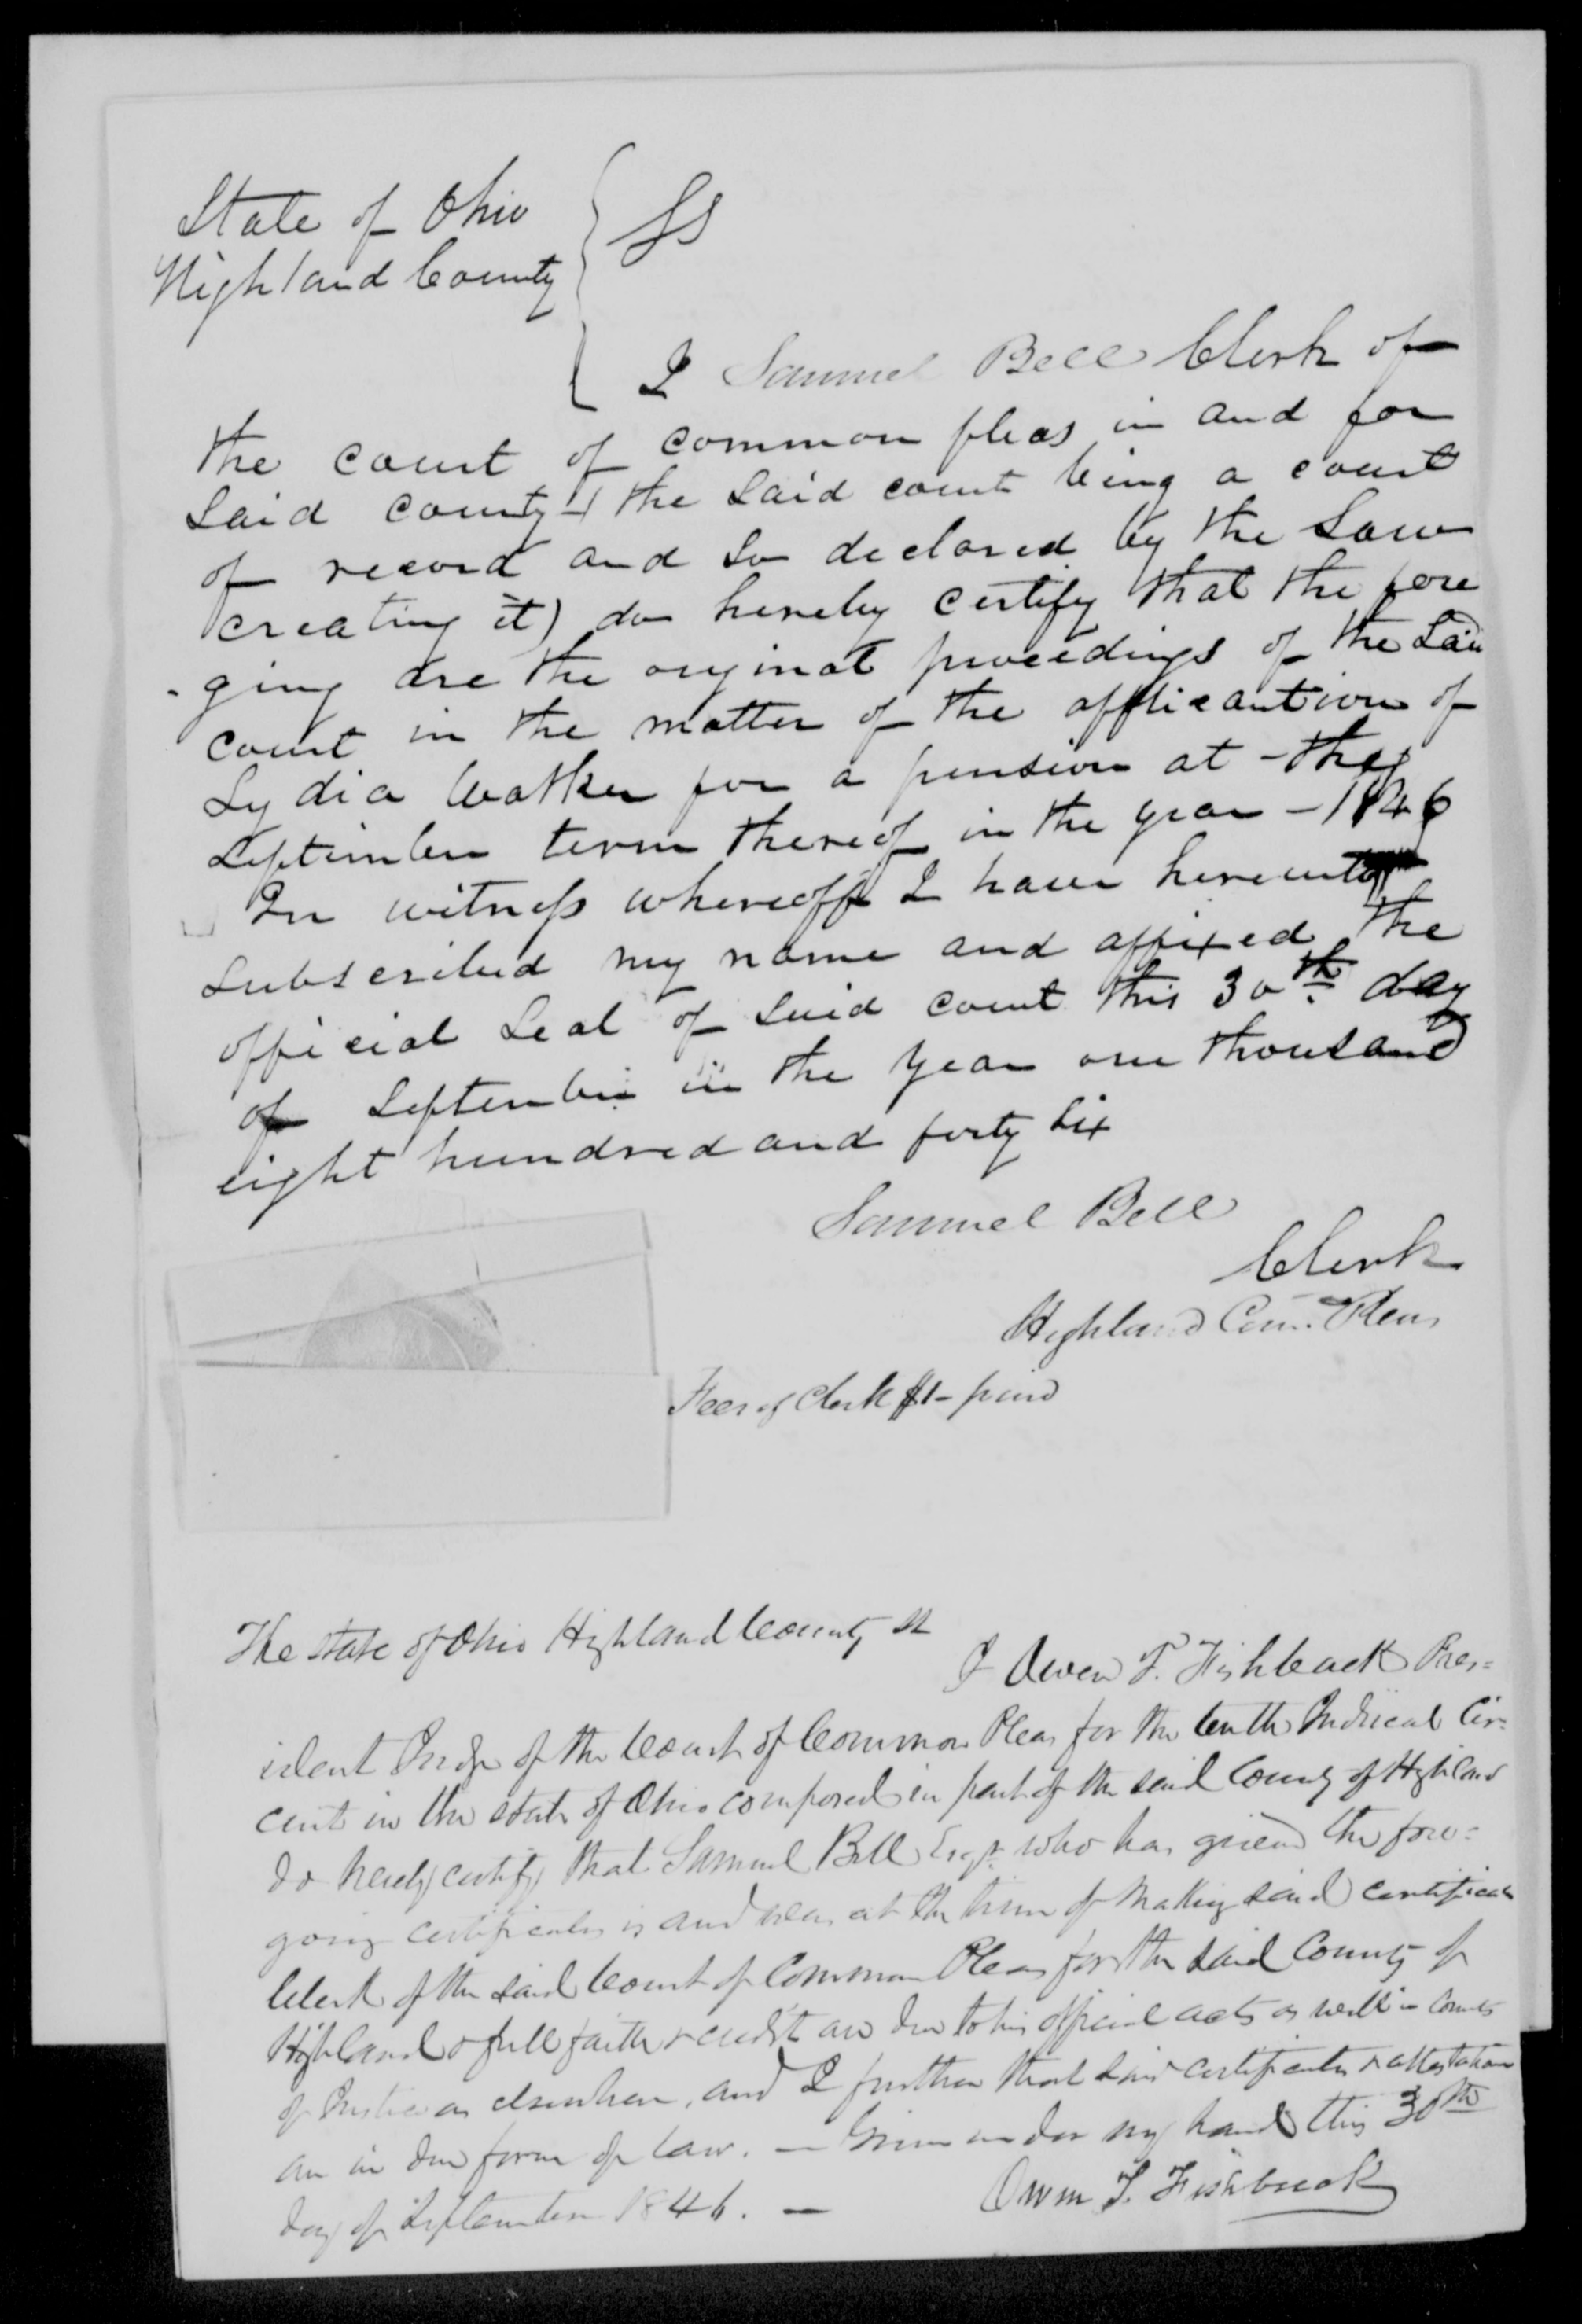State of Ohio
Highland County
I, Samuel Bell, Clerk of Common Pleas in and for said County of the said court being a court of record and so declared by the Law creating it, do hereby certify that the foregoing are the original proceedings of the said court in the matter of the application of Lydia Walker for a pension at the September term thereof in the year 1846.
In witness whereof I have hereunto subscribed my name and affixed the official seal of said Court this 30th day of September in the year one thousand eight hundred and forty six.
Samuel Bell, Clerk
Fees of Clerk $1 paid
Highland Com. Pleas

The State of Ohio 
Highland County 
I Owen T. Fishback Presiding Judge of the Court of Common Pleas for the tenth Judicial Circuit in the State of Ohio composed in part of the said County of Highland do hereby certify that Samuel Bell Esqr who has given the foregoing certificate is and was at the time of making said certificate Clerk of the said Court of Common Pleas for the said County of blind & full faith & c and in the official acts as well in Courts of Justice, and I further that his certificate attestation are in due form of law on under my hand this 30th day of September 1846.
Owen T. Fishback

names: Samuel Bell, Lydia Walker, Owen T Fishback, Owen T Fishback, Samuel Bell, Samuel Bell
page: 5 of 37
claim: rejected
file: R. 11047, David Walker, N.C.